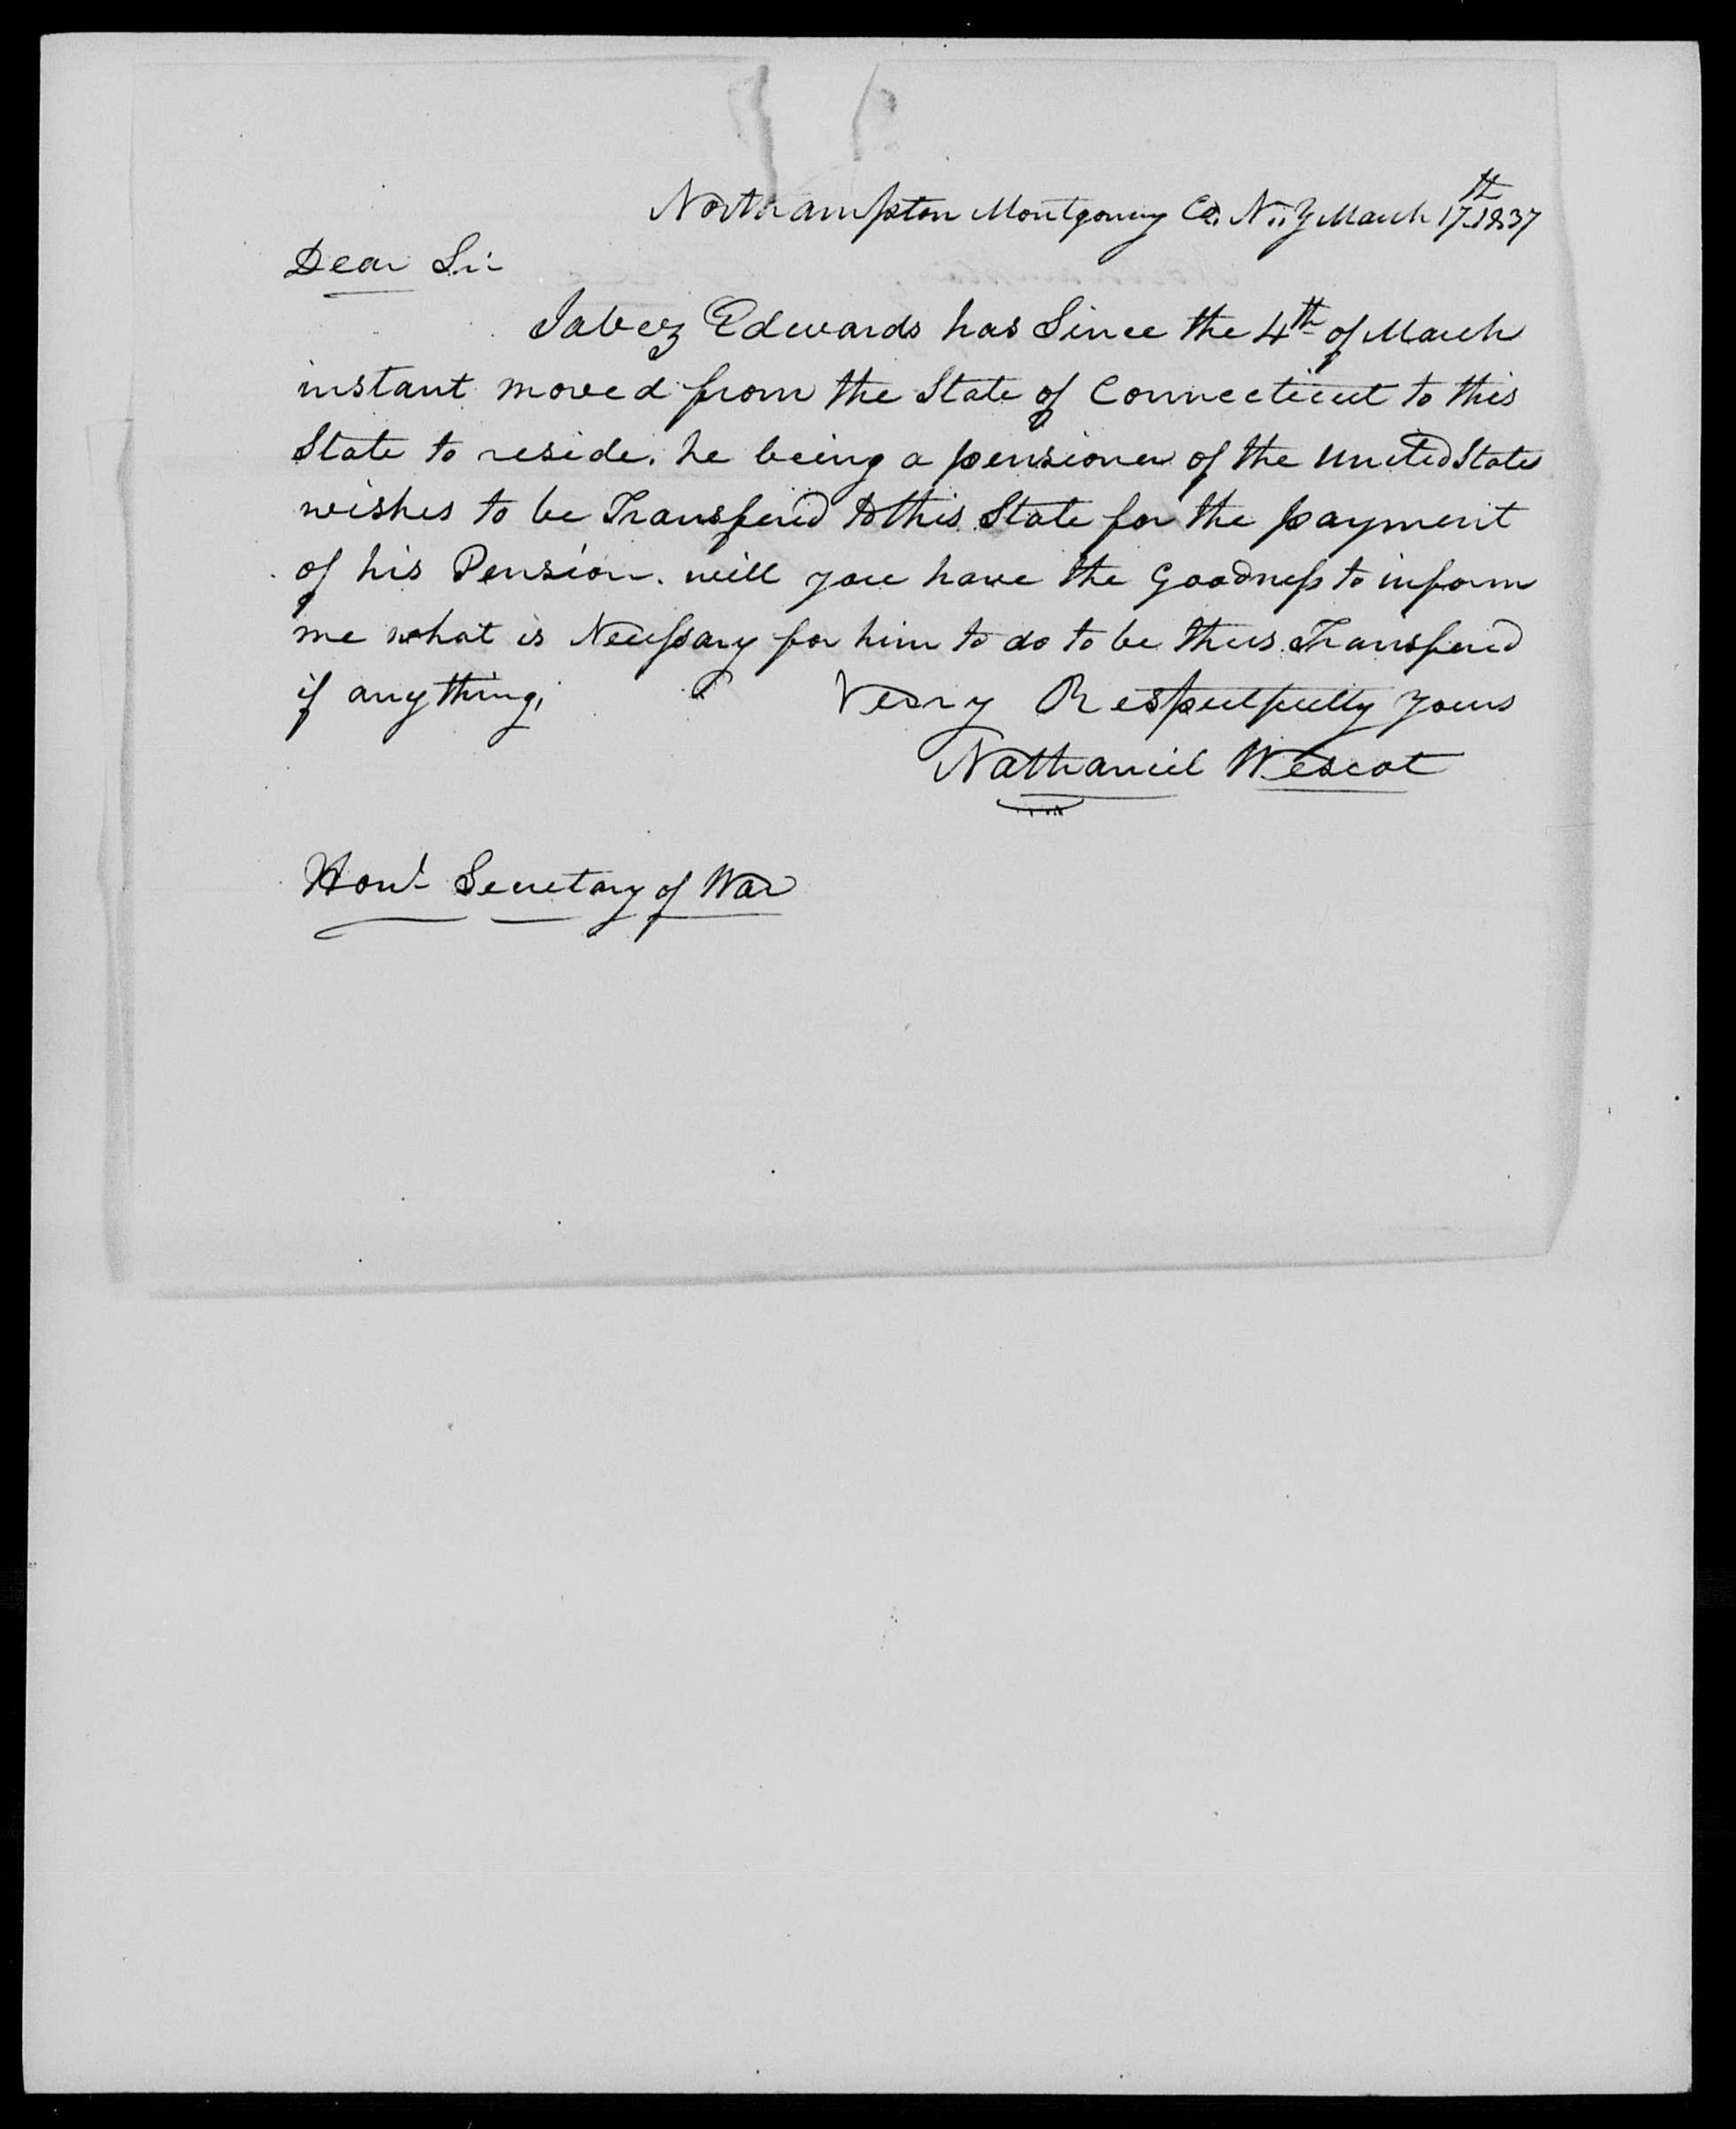Northampton [?] Co. N.Y. March 17th 1837

Dear Sir

Jabez Edwards has since the 4th of March instant moved from the State of Connecticut to this State to reside. He being a pensioner of the United States wishes to be transferred to this state for the payment of his pension. Will you have the goodness to inform me what is necessary for him to do to be thus transferred if anything.

Very respectfully yours
Nathaniel Wescot

Hon. Secretary of War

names: Jabez Edwards, Nathaniel Wescot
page: 35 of 50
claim: survivor's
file: S 10607, Jabez Edwards, Conn.